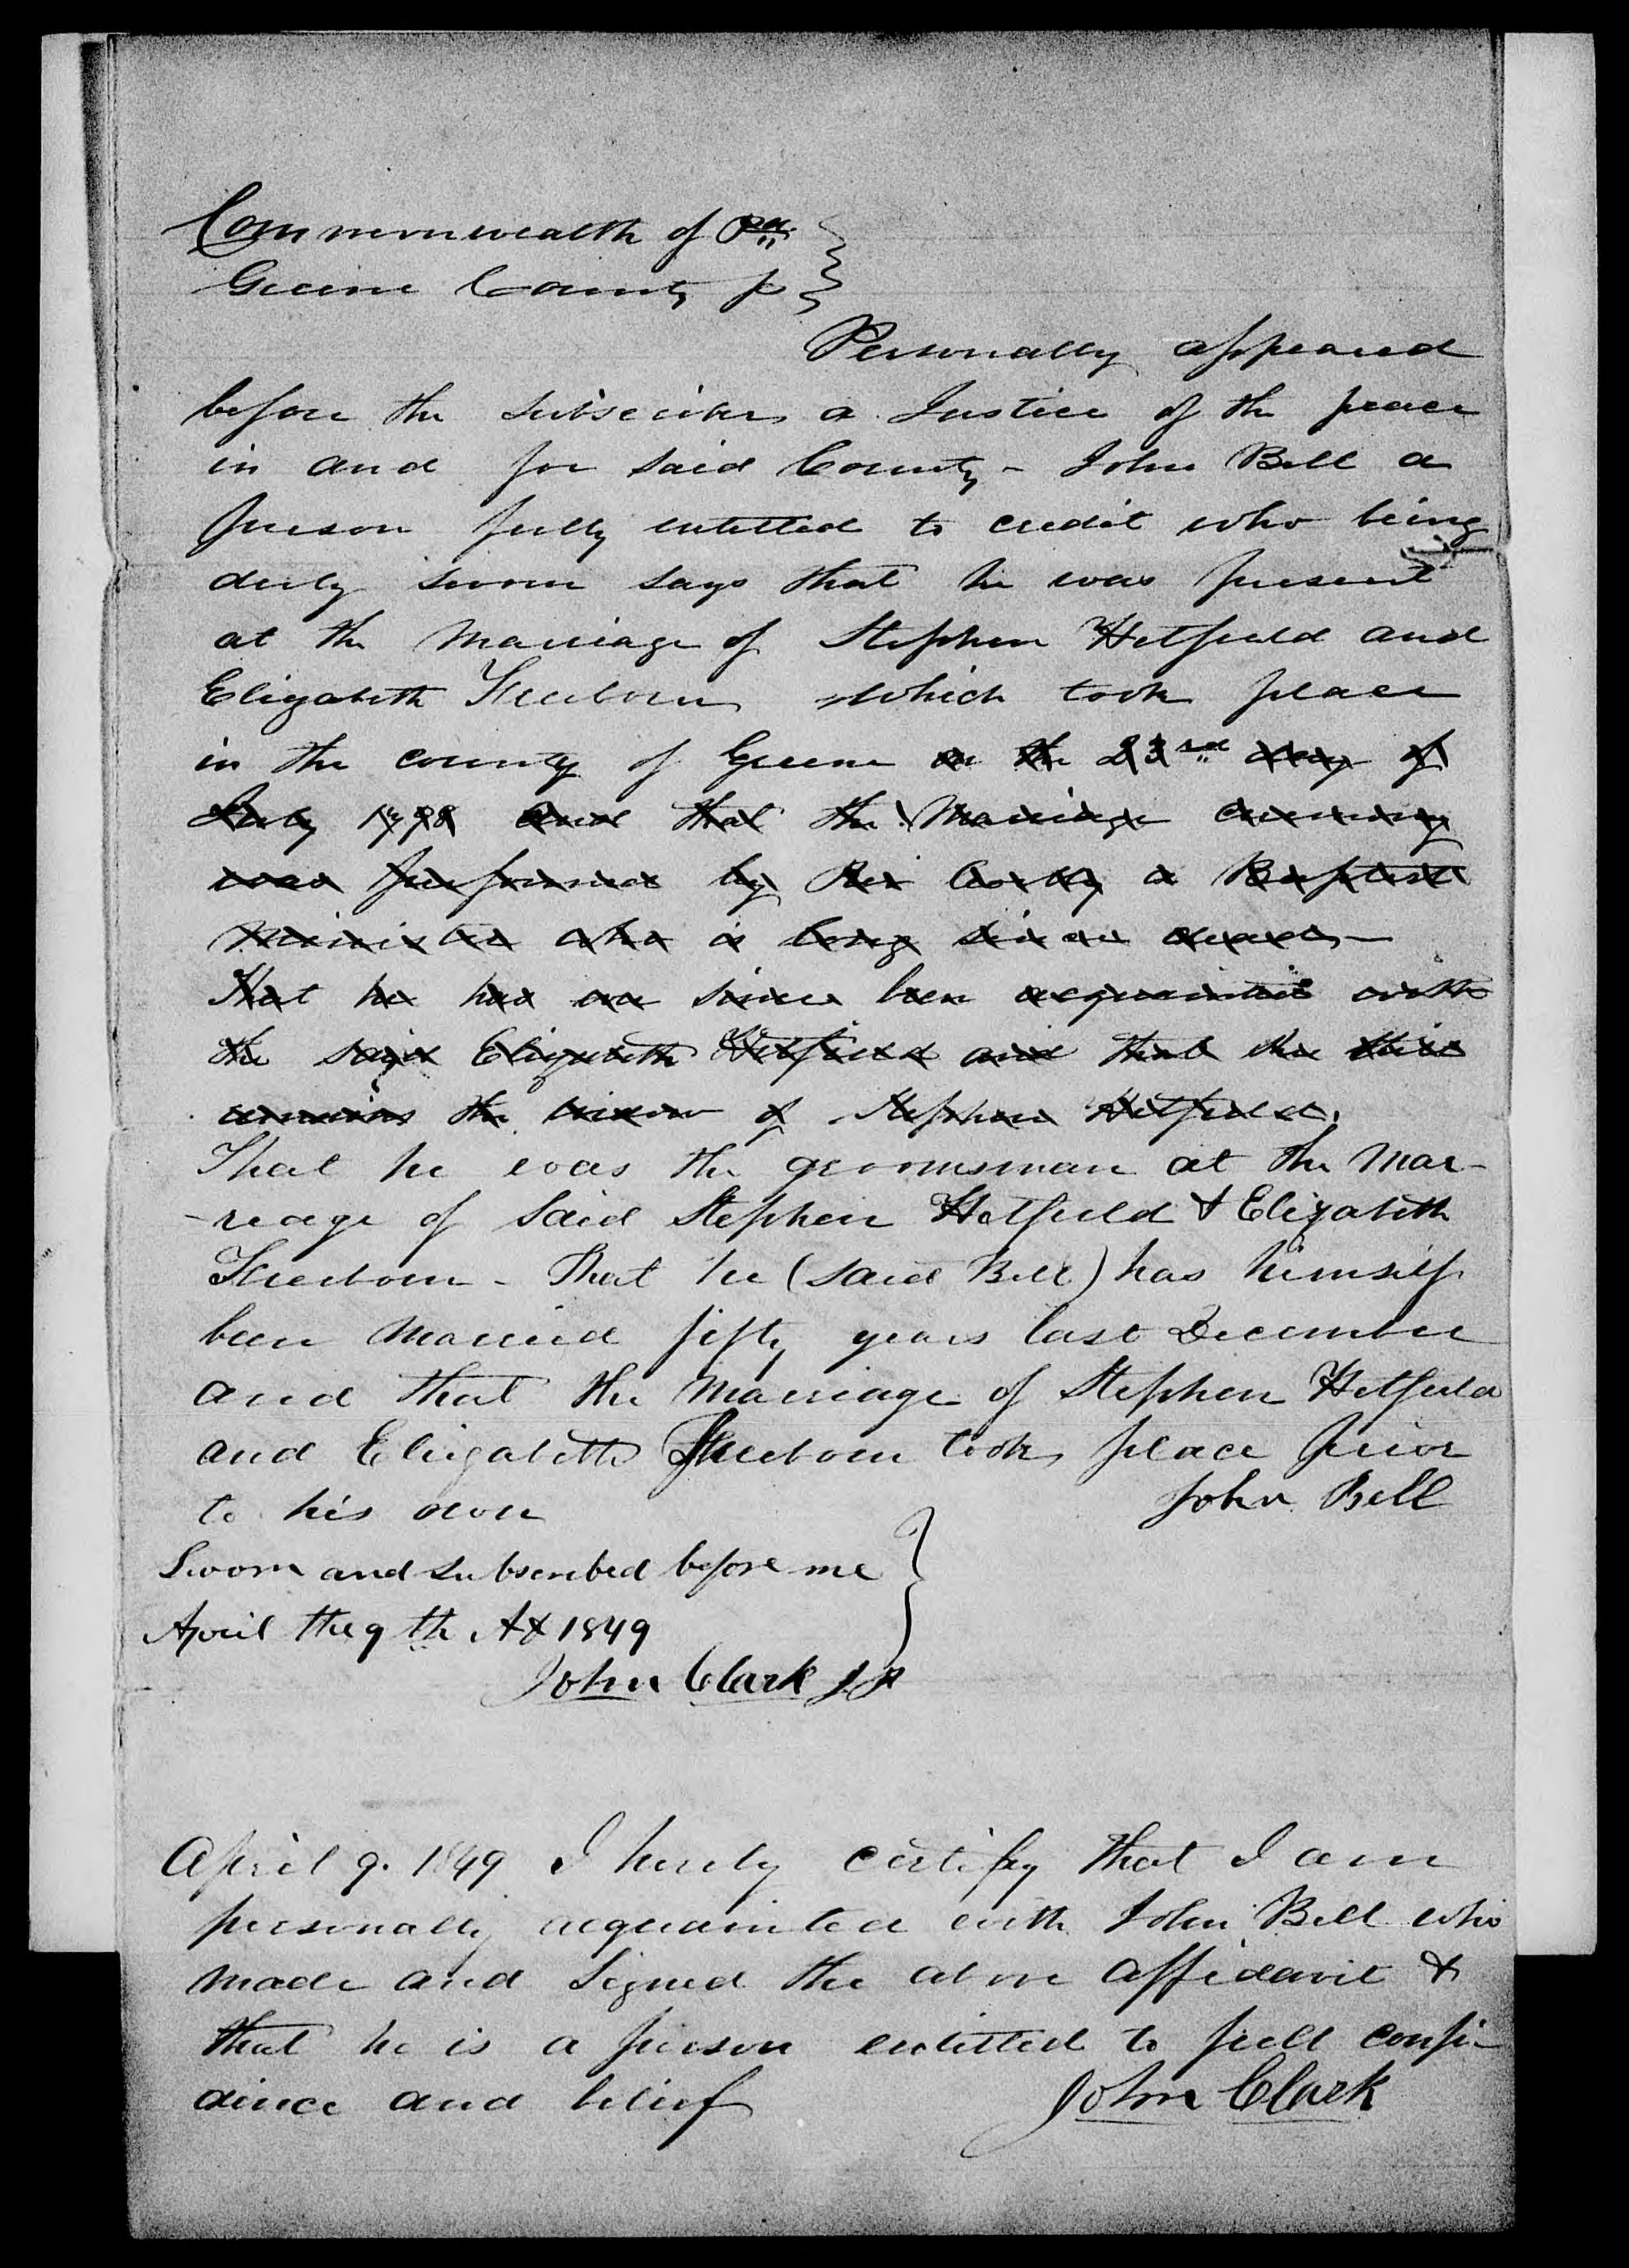Commonwealth of Pa [after the "P", some superscript letters are illegible, but I believe it to be "Pa"]
Greene County Ss

Personally appeared
before the Subscriber a Justice of the peace
in and for said County - John Bell a
person fully entitled to credit who being
duly sworn says that he was present
at the marriage of Stephen Hetfield and
Elizabeth Freeborn which took place
in the County of Greene [The following words were written and then struck through. I've enclosed them in quotes.] "on the 23rd day of
July 1798 and that the marriage ceremony
was performed by Rev Corbly a Baptist
minister who is long since dece[??]ed - [probably "deceased"]
That he had ever since been acquainted with
the said Elizabeth Hetfield and that she still
remains the widow of Stephen Hetfield." 
[This is the end of the piece that was crossed out.]
That he was the groomsman at the marriage
of Said Stephen Hetfield & Elizabeth
Freeborn - That he (said Bell) has himself
been married fifty years last December
and that the marriage of Stephen Hetfield
and Elizabeth Freeborn took place prior
to his own

John Bell
Sworn and subscribed before me 
April the 9th AD 1849
John Clark J.P.

April 9, 1849 I hereby certify that I am
personally acquainted with John Bell who
made and signed the above affidavit &
that he is a person entitled to full confidence
and belief

John Clark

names: Stephen Hetfield, Elizabeth Hetfield, Stephen Hetfield, John Clark, Stephen Hetfield, Bell, John Bell, John Clark, Coebly, John Bell, John Bell, Stephen Hetfield, Elizabeth Freeborn, Elizabeth Freeborn, Elizabeth Freeborn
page: 16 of 45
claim: widow's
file: W. 2734, Stephen Hetfield, New Jersey